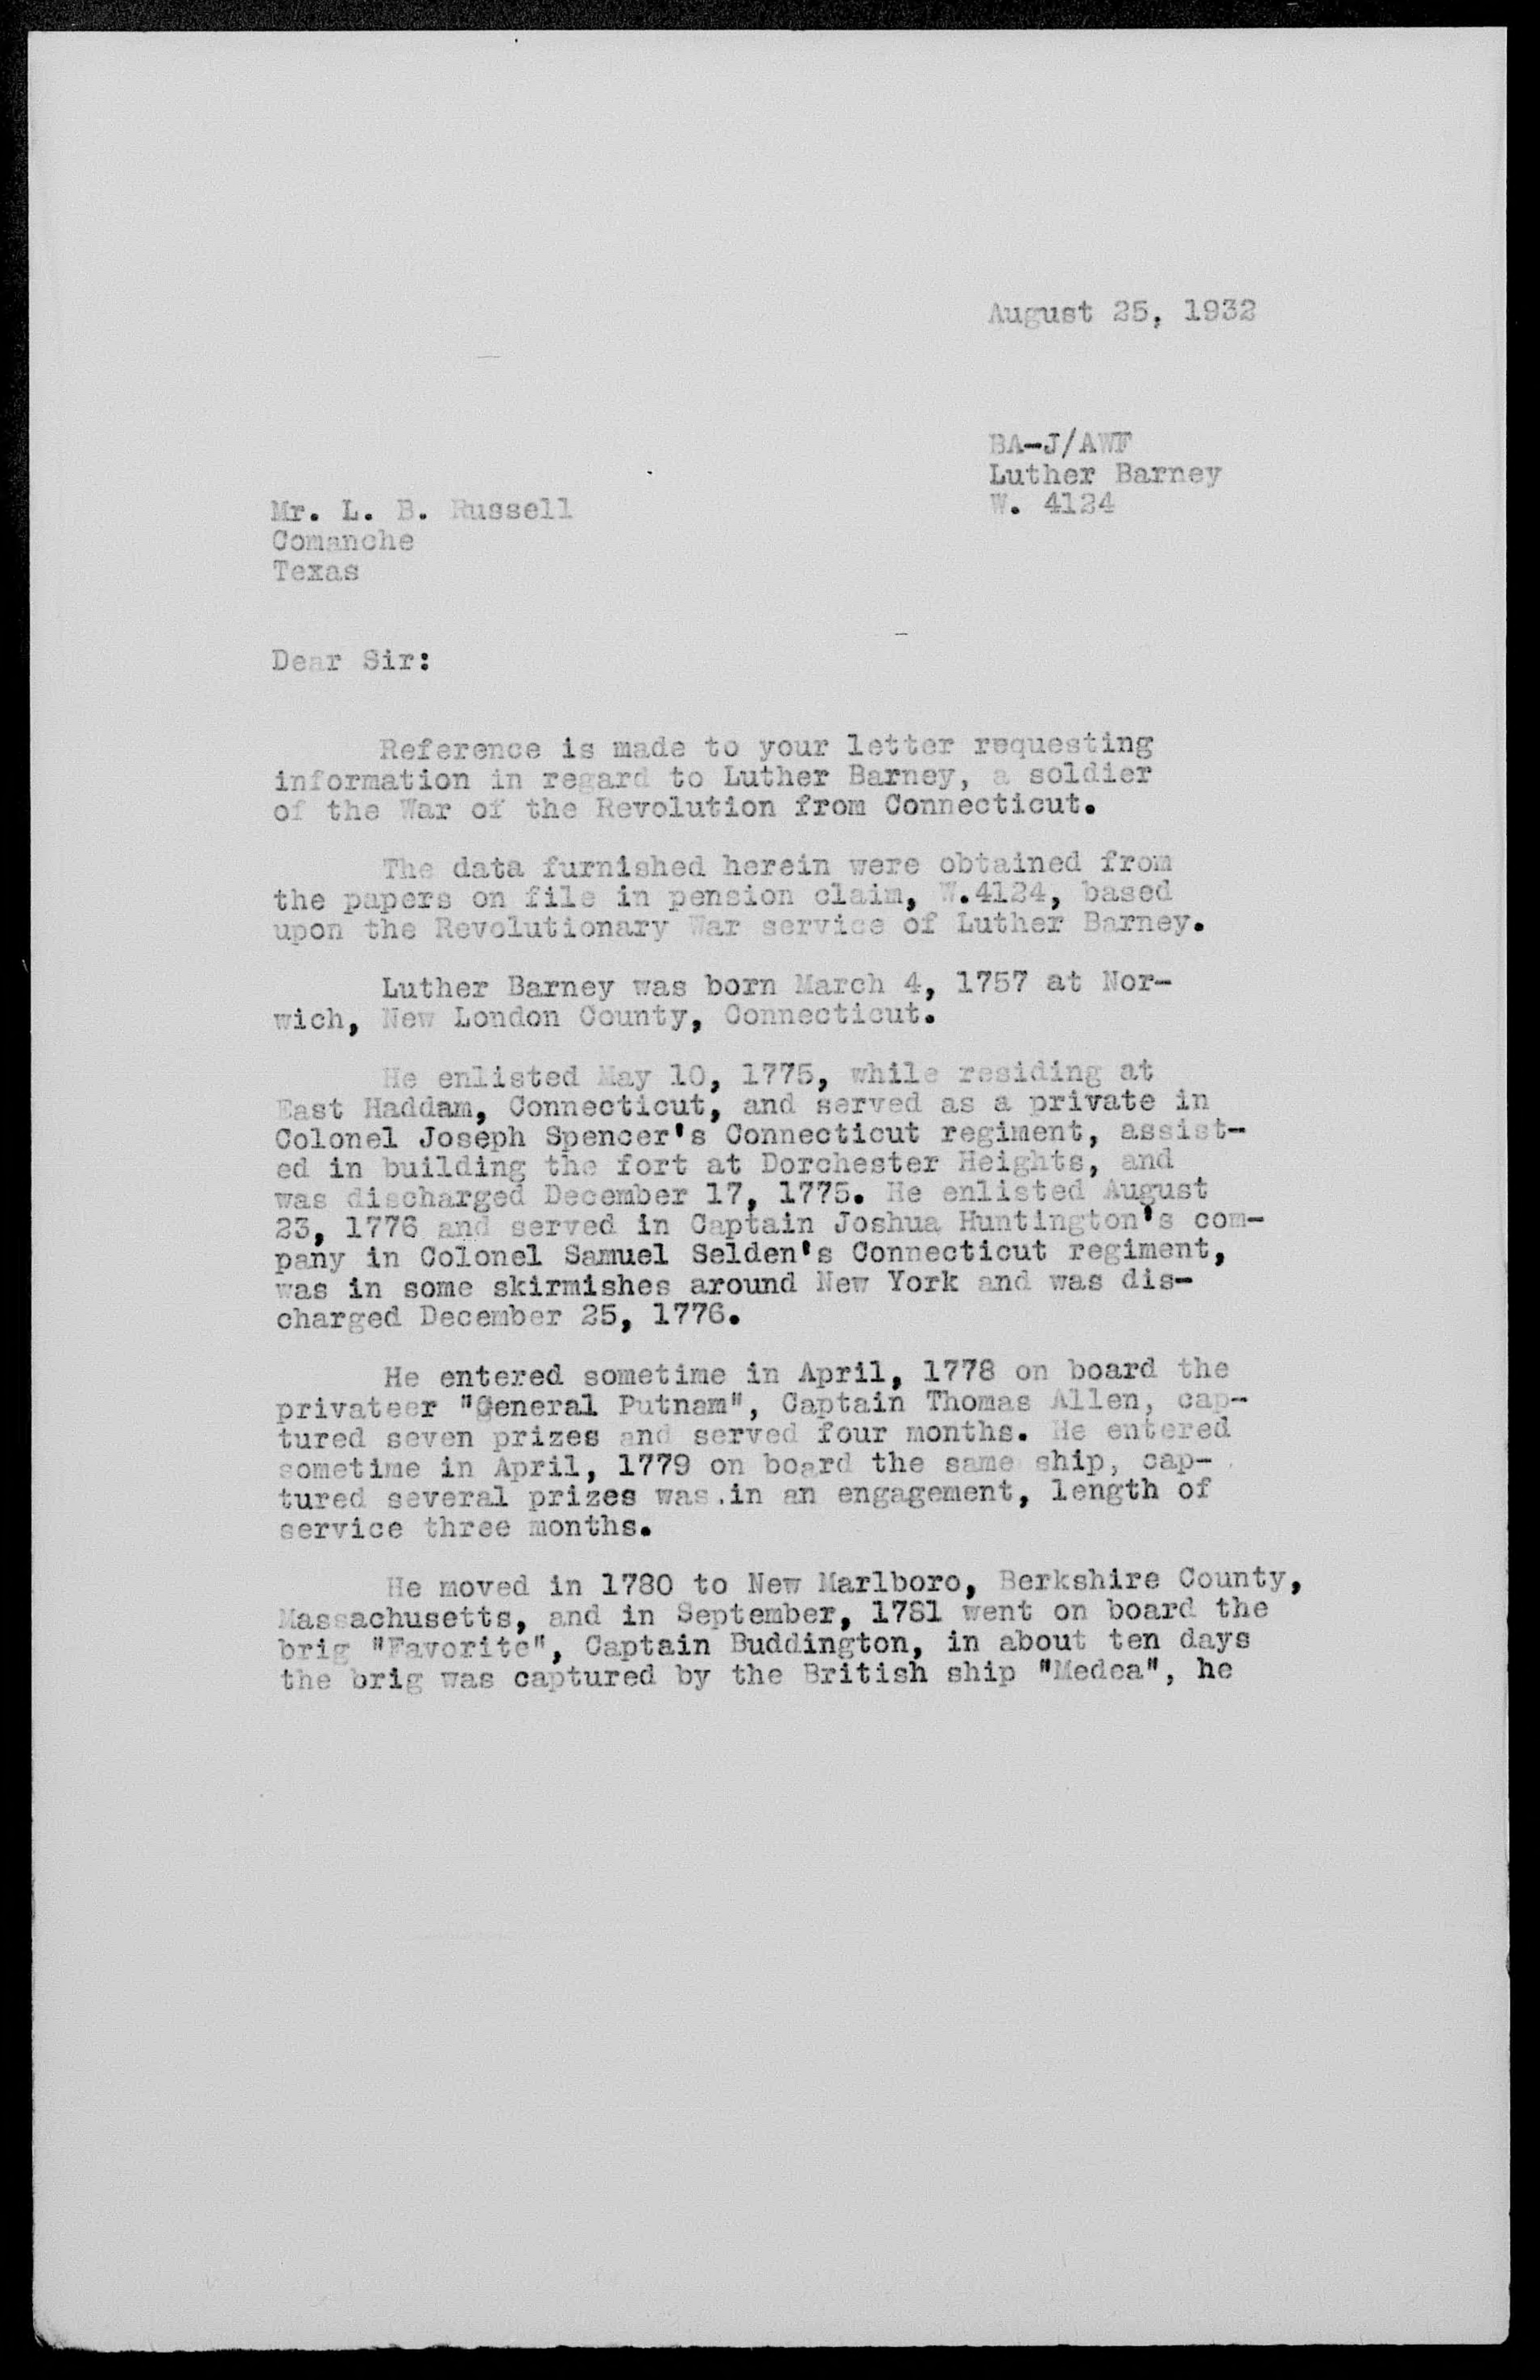August 25, 1932

BA-J/AWF
Luther Barney
W. 4124

Mr. L. B. Russell
Comanche
Texas

Dear Sir:

Reference is made to your letter requesting
information in regard to Luther Barney, a soldier
of the War of the Revolution from Connecticut.

The data furnished herein were obtained from
the papers on file in pension claim, W.4124, based
upon the Revolutionary War service of Luther Barney.

Luther Barney was born March 4, 1757 at Norwich, New London County, Connecticut.

He enlisted May 10, 1775, while residing at
East Haddam, Connecticut, and served as a private in
Colonel Joseph Spencer's Connecticut regiment, assisted in building the fort at Dorchester Heights, and was discharged December 17, 1775. He enlisted August 23, 1776 and served in Captain Joshua Huntington's company in Colonel Samuel Selden's Connecticut regiment, was in some skirmishes around New York and was discharged December 25, 1776.

He entered sometime in April, 1778 on board the
privateer "General Putnam", Captain Thomas Allen, captured seven prizes and served four months. He entered sometime in April, 1779 on board the same ship, captured several prizes was in an engagement, length of service three months.

He moved in 1780 to New Marlboro, Berkshire County,
Massachusetts, and in September, 1781 went on board the brig "Favorite", Captain Buddington, in about ten days the brig was captured by the British ship "Medea", he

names: Thomas Allen, L B Russell, Luther Barney, Luther Barney, Luther Barney, Luther Barney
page: 20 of 61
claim: widow's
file: W. 4.124, Luther Barney, Conn. Privateer.